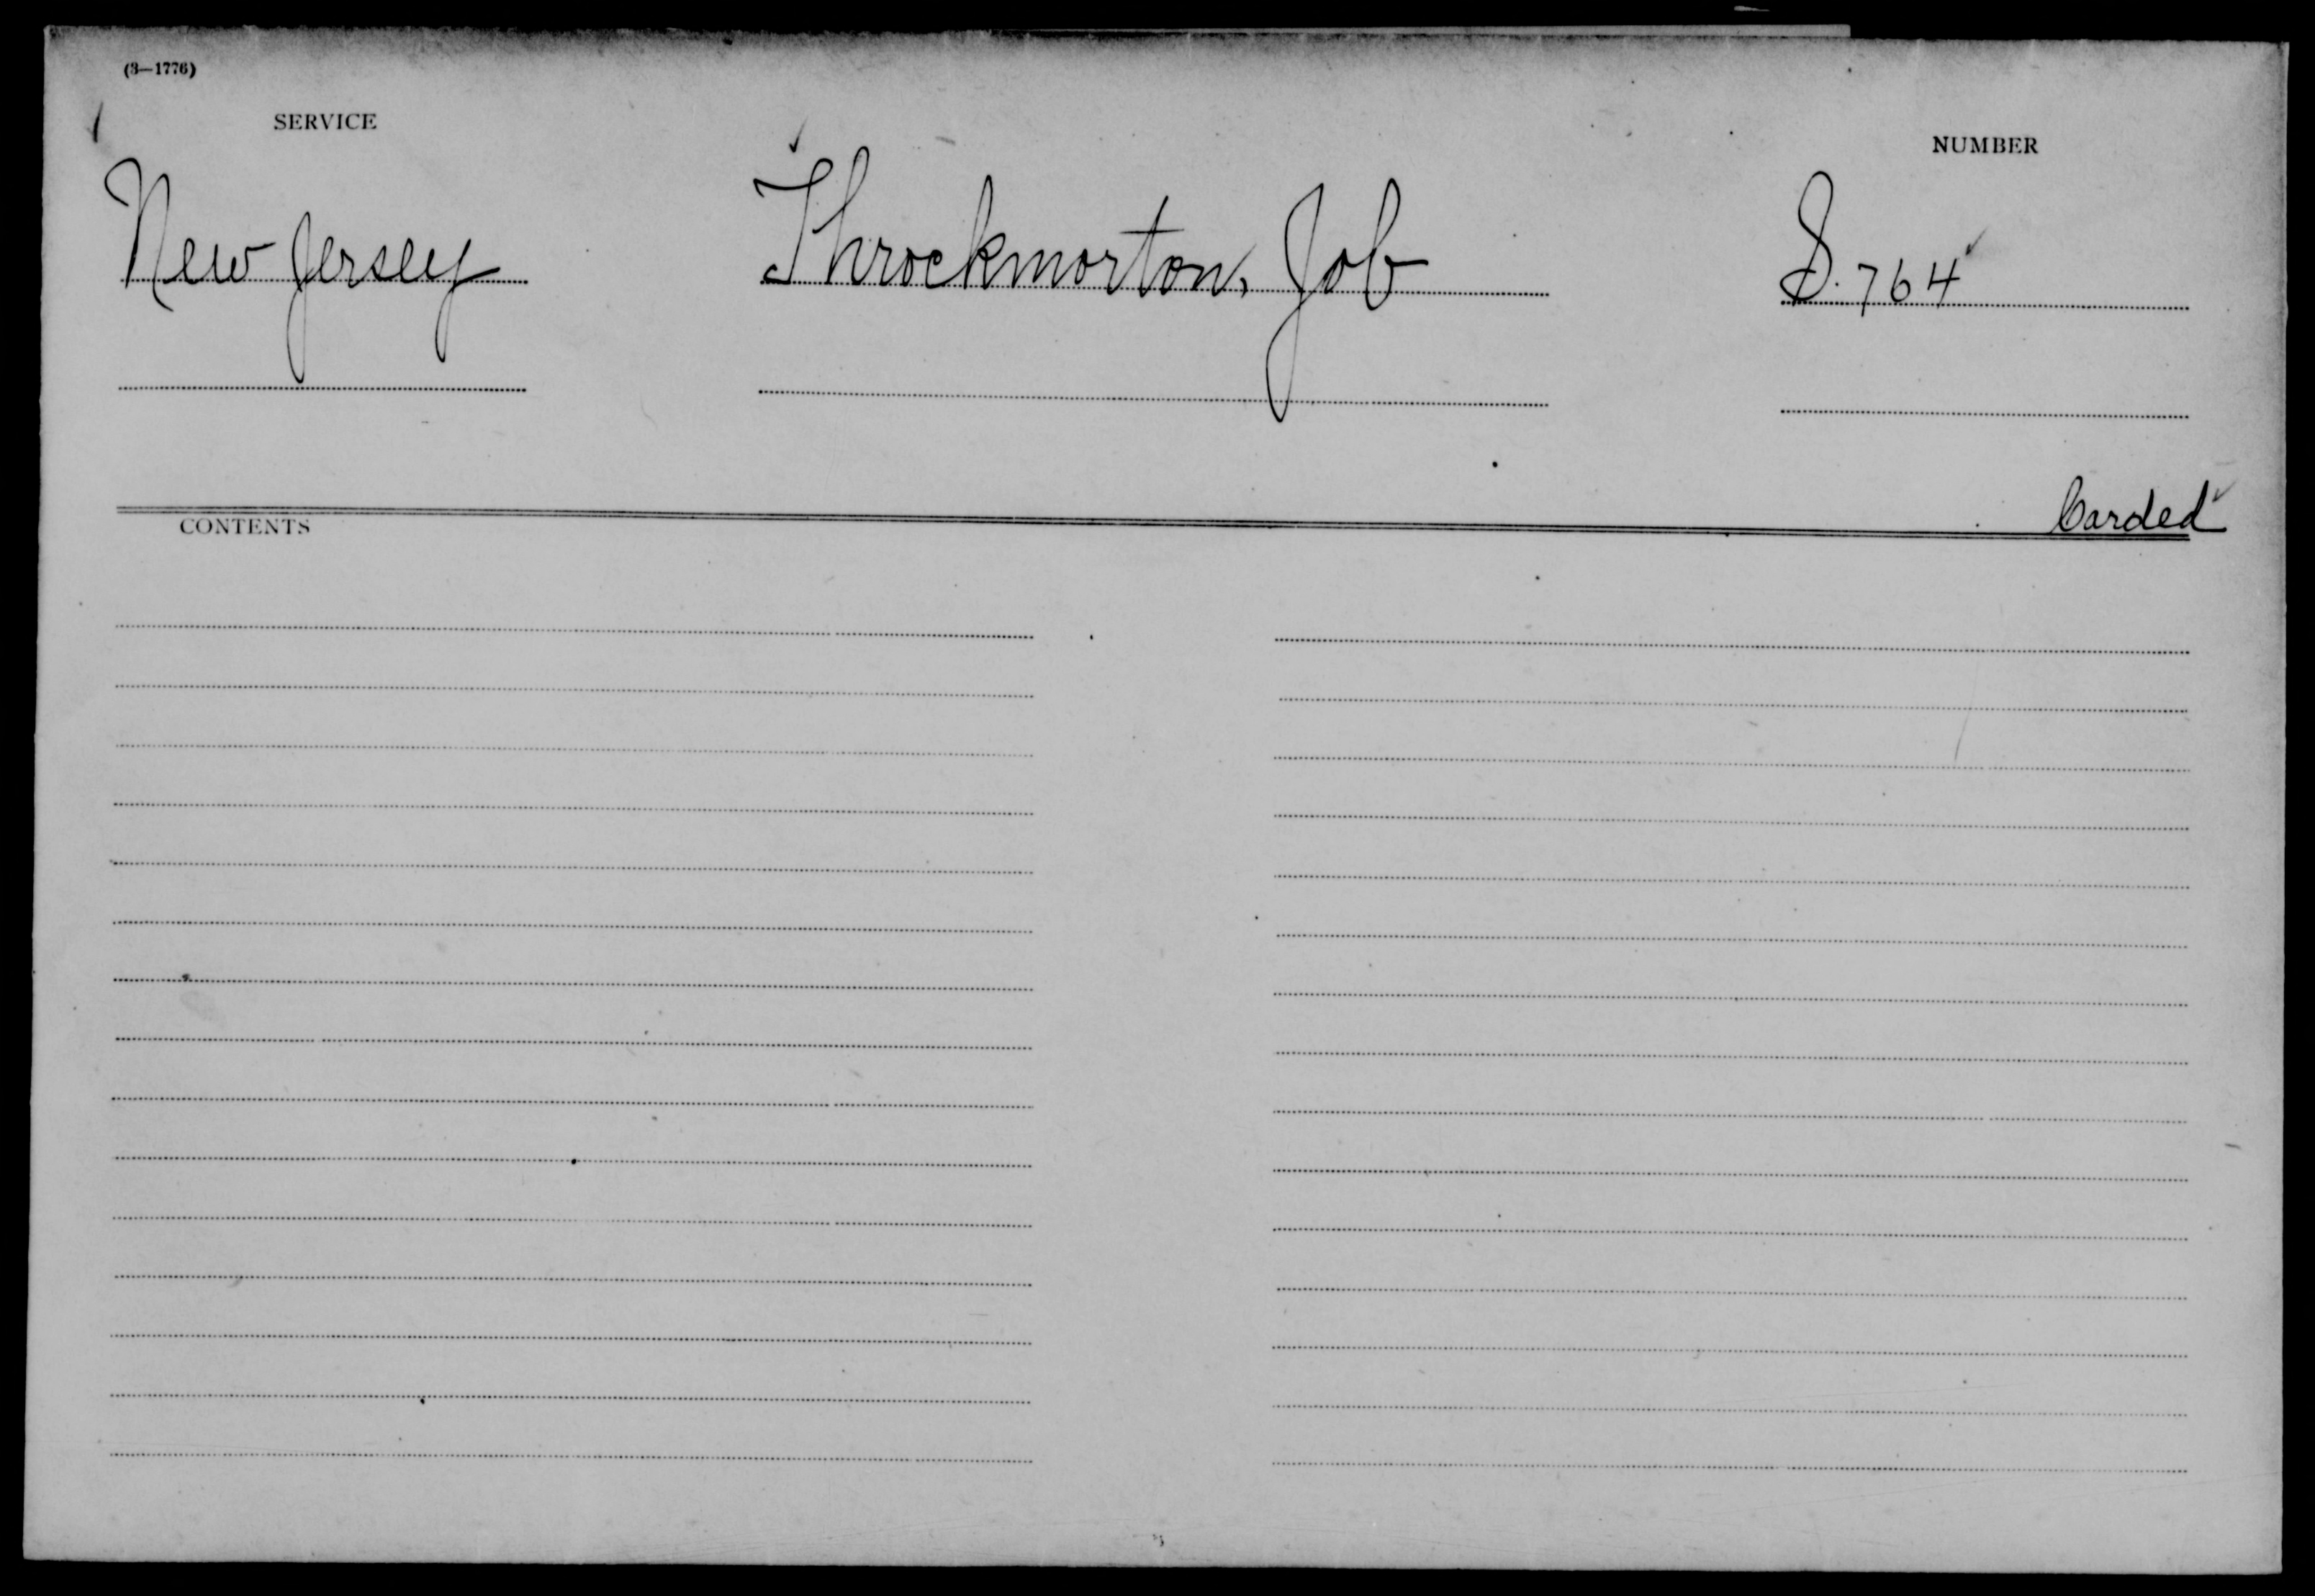Service
New Jersey
Throckmorton, Job
Number S. 764
Carded
Contents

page: 1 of 14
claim: survivor's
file: S. 764, for Job Throckmorton, New Jersey